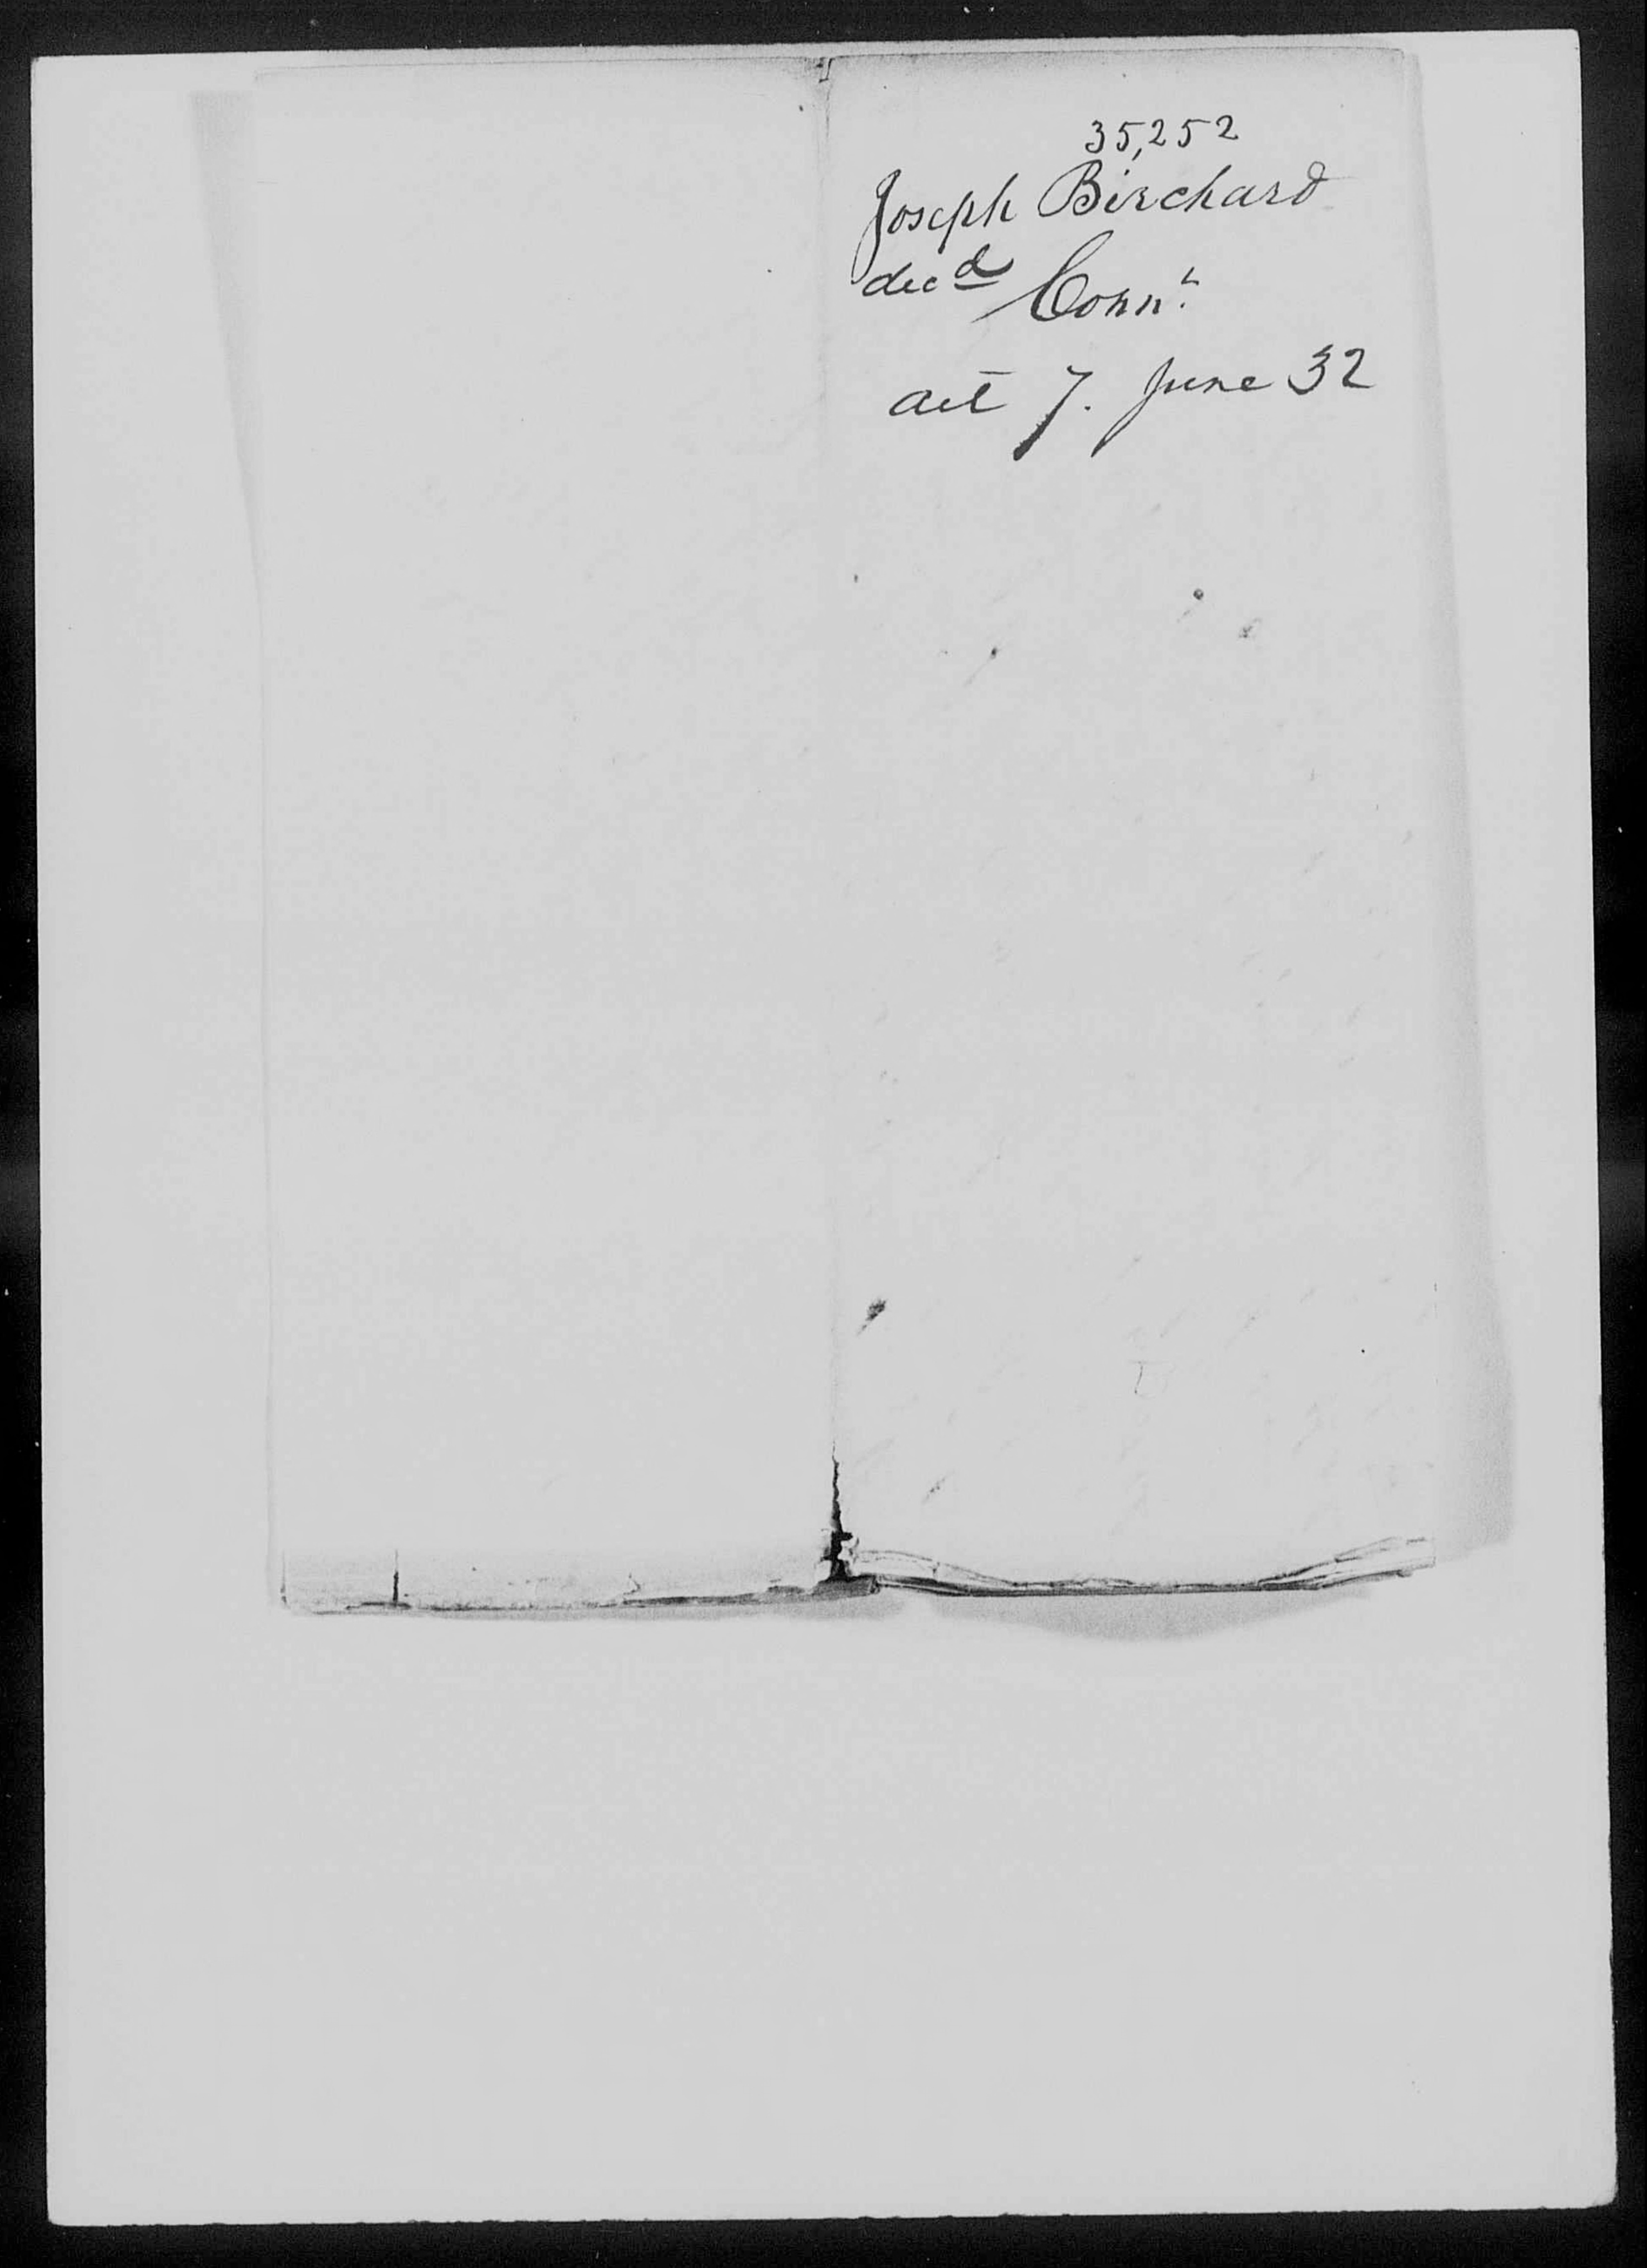35252

Joseph Birchard
decd (deceased)
Conn.
Act 7 June 32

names: Joseph Birchard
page: 2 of 18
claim: rejected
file: R. 844, Joseph Birchard, Conn.